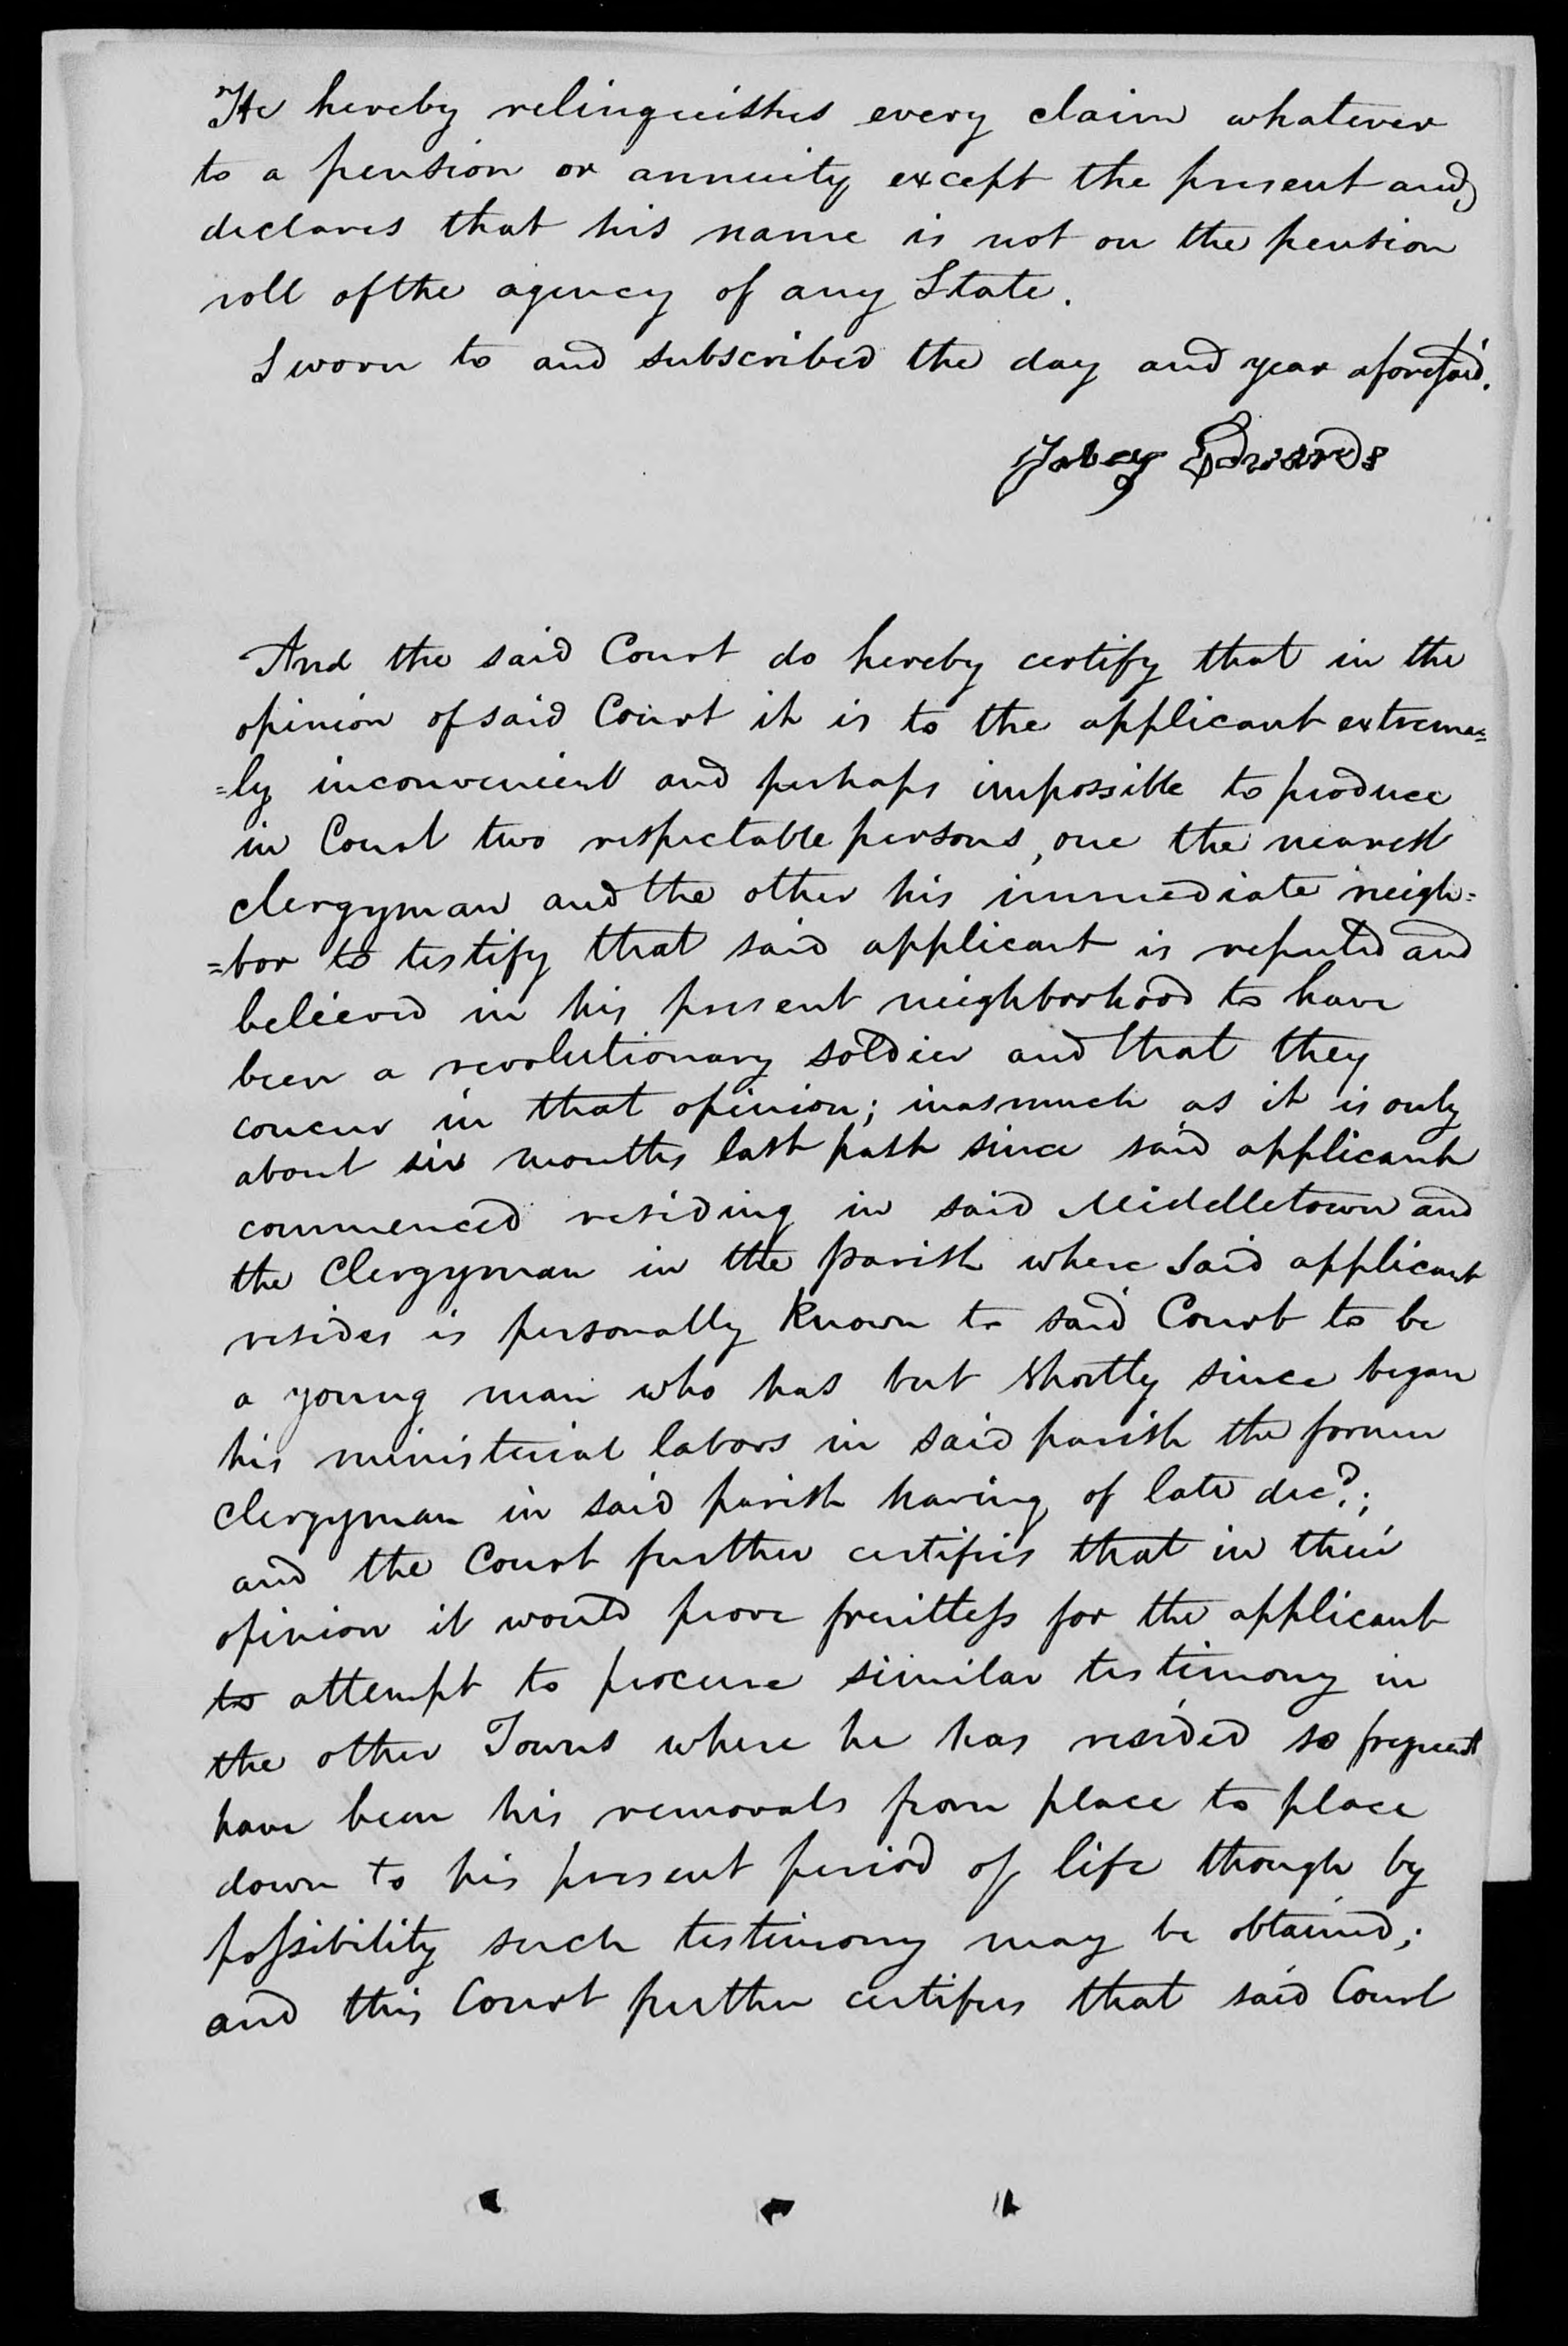He hereby relinquishes every claim whatever to a pension of annuity except the present and declares that his name is not on the pension roll of the agency of any State.

Sworn to and subscribed the day and year aforesaid.

{signed} Jabez Edwards

And the said Court do hereby certify that in the opinion of said Court it is to the applicant extremely inconvenient and perhaps impossible to produce in Court two respectable persons, one the named clergyman and the other his immediate neighbor to testify that said applicant is reputed and believed in his present neighborhood to have been a revolutionary soldier and that they concur in that opinion; inasmuch as it is only about six months last past since said applicant commenced residing in said Middletown and the clergyman in the parish where said applicant resides is personally known to said Court to be a young man who has but shortly since began his ministerial labors in said parish the former clergyman in said parish having of late died; and the Court further certifies that in their opinion it would prove fruitless for the applicant to attempt to procure similar testimony in the other towns where he has resided so frequent have been his removals from place to place down to his present period of life though by possibility such testimony may be obtained; and this Court further certifies that said Court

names: Jabez Edwards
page: 7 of 50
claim: survivor's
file: S 10607, Jabez Edwards, Conn.